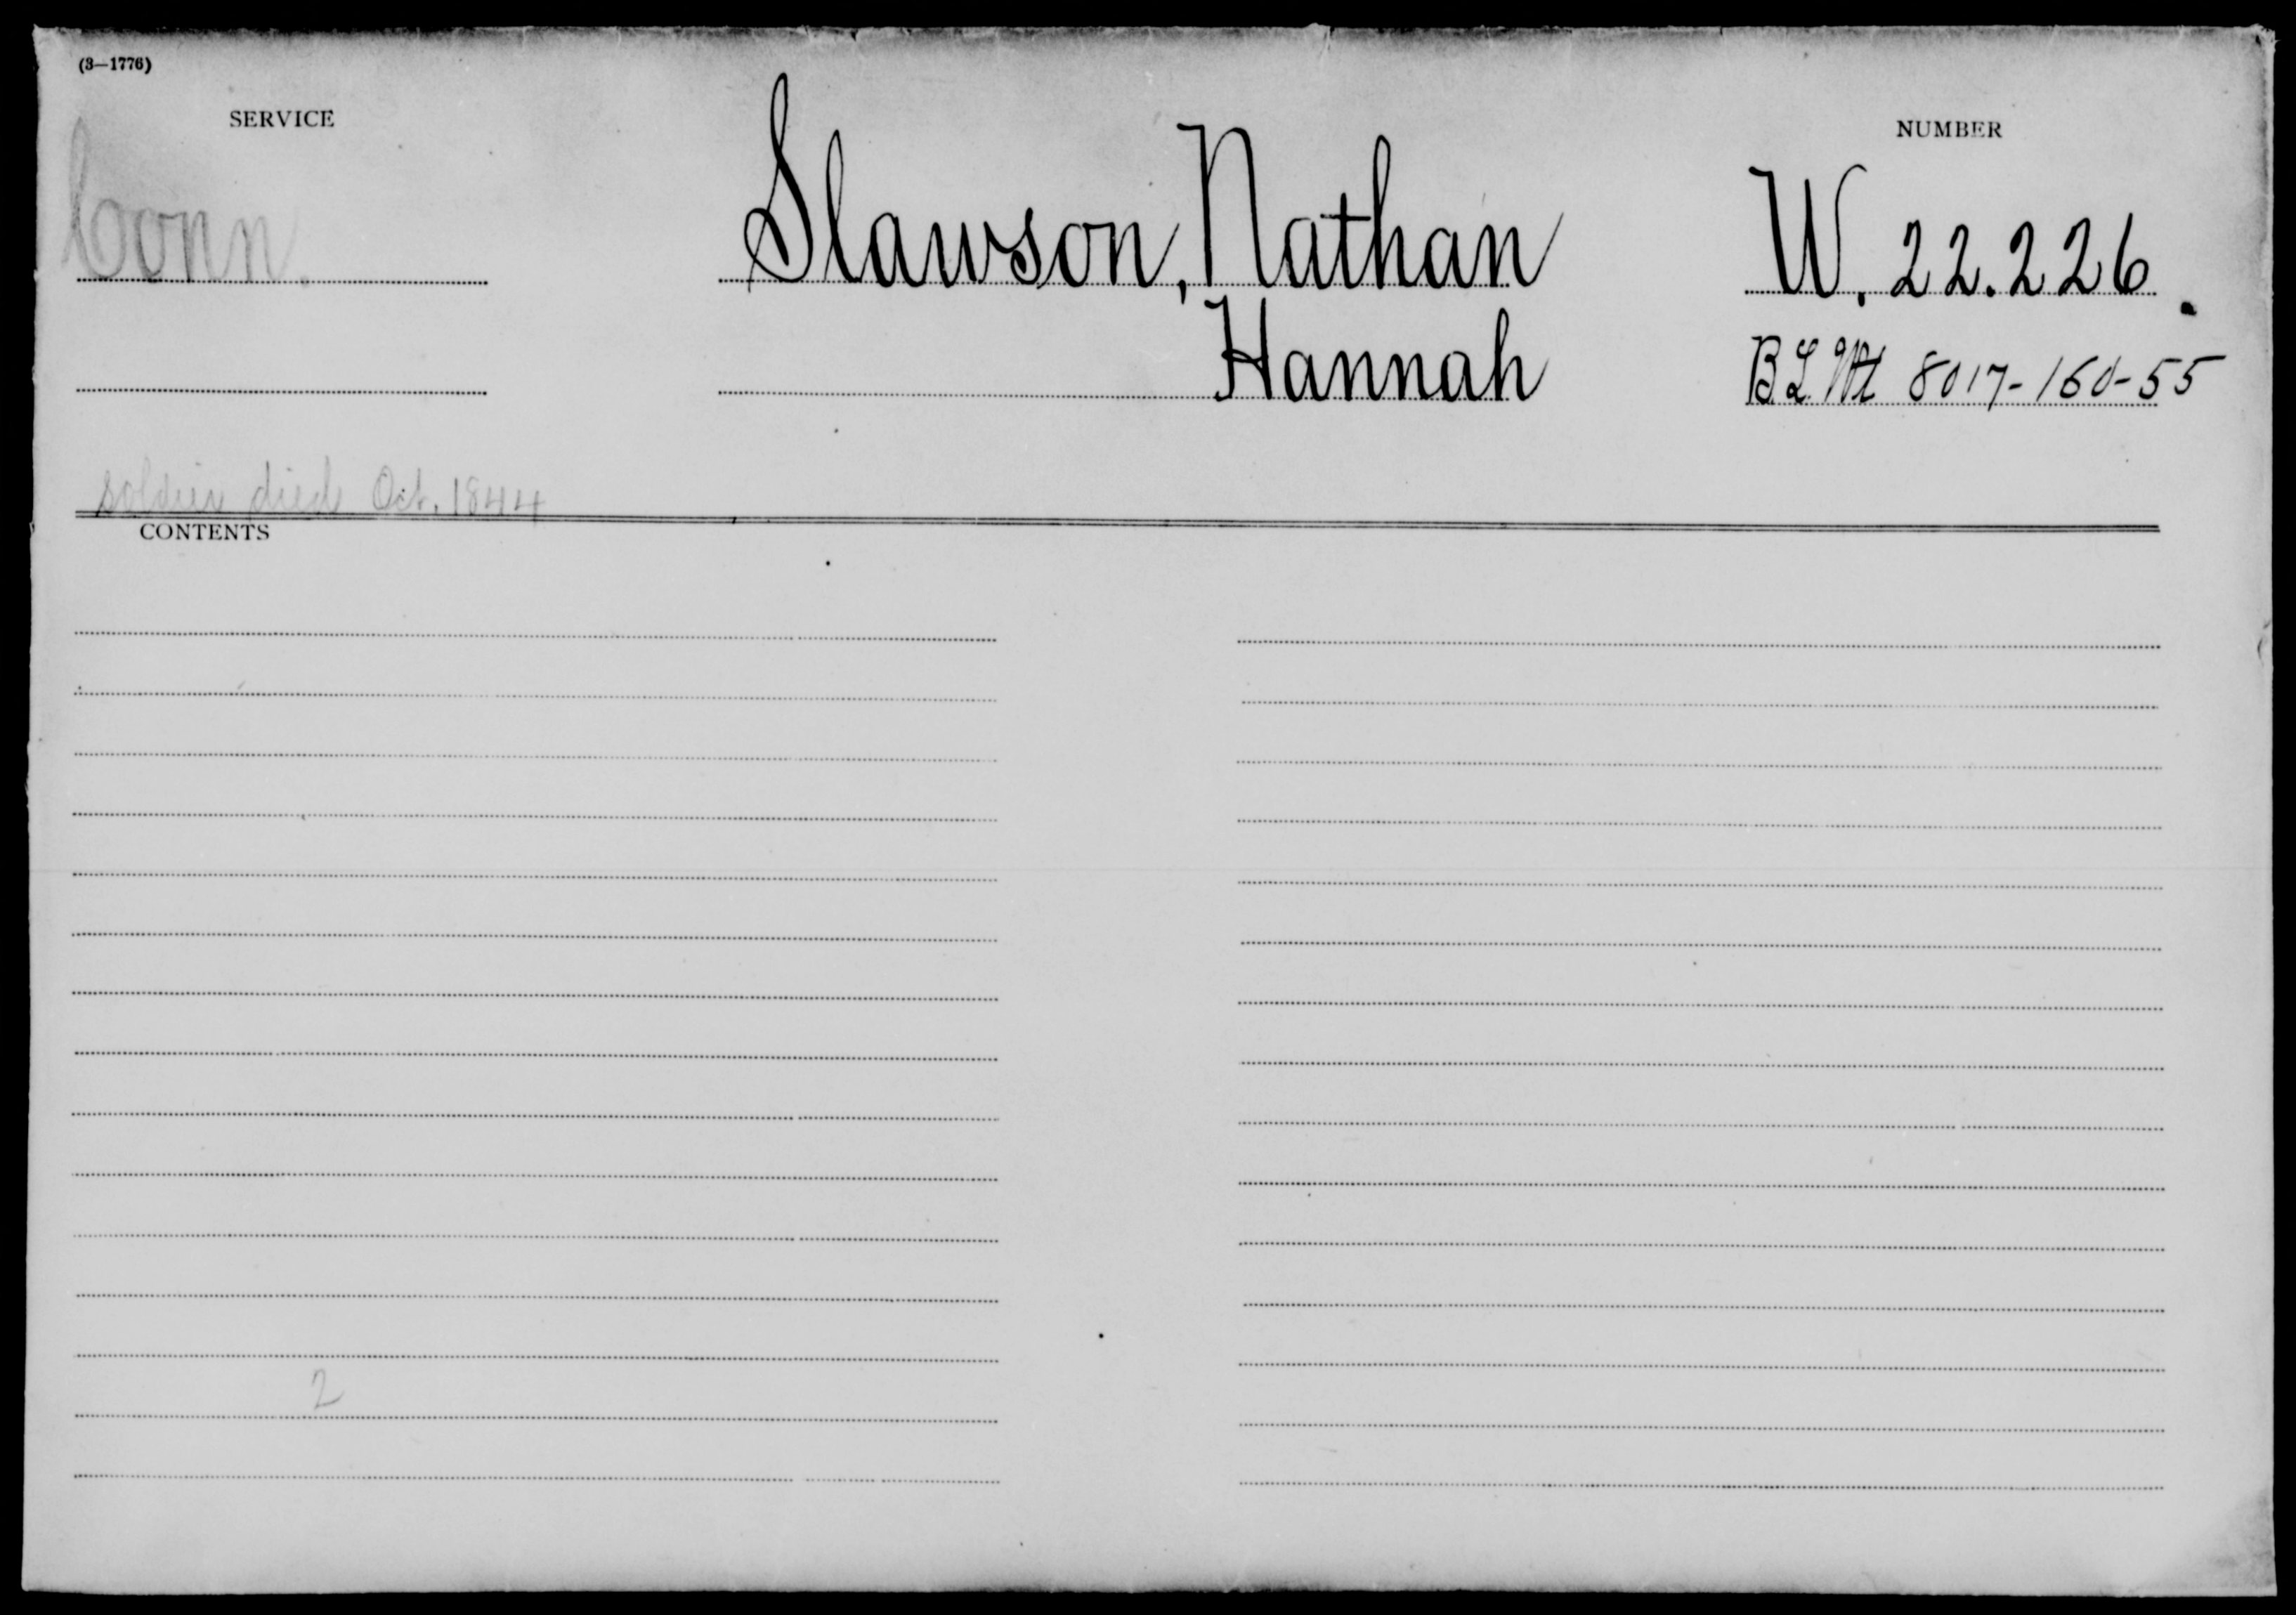SERVICE   Conn.
Slawson, Nathan
Hannah
NUMBER  W. 22.226
B. L. Wt. 8017-160-55
soldier died Oct 1844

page: 1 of 87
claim: widow's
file: W. 22,226, for Nathan Slawson, Connecticut